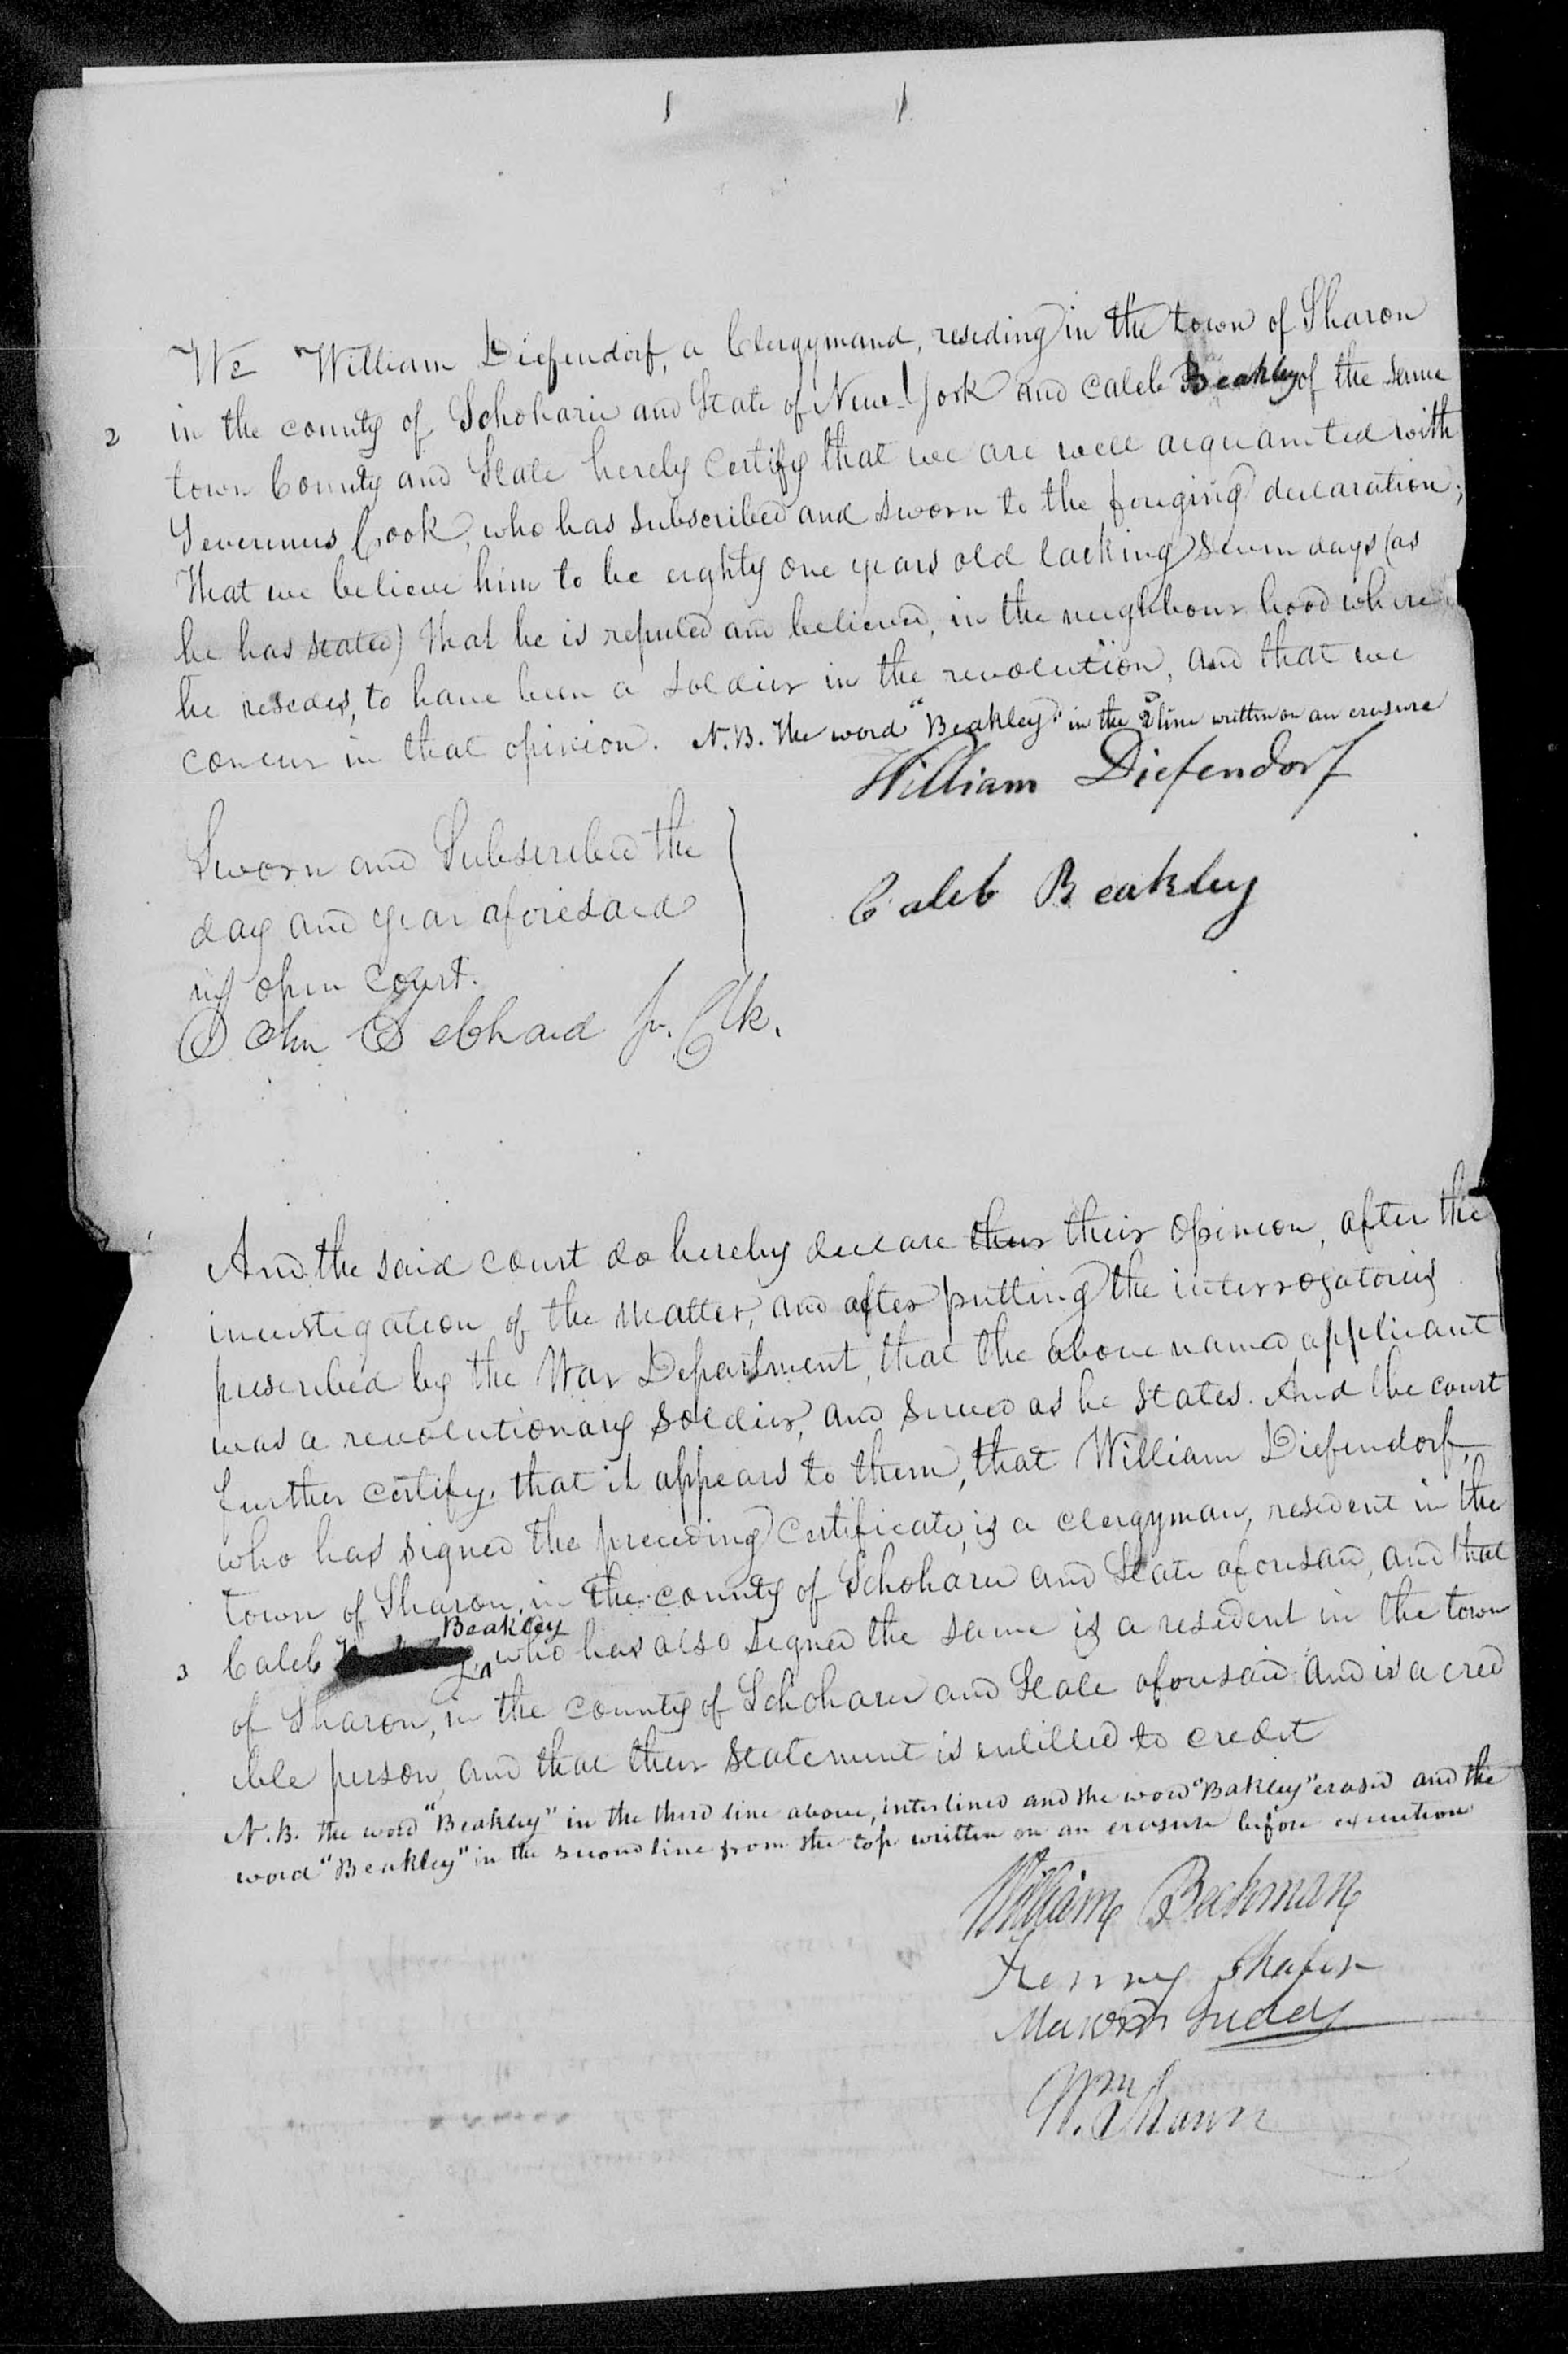We William Diefendorf, a Clergyman, residing in the town of Sharon in the County of Schoharie and State of New York and Caleb Beakley of the same town County and State hereby certify that we are well acquainted with
Severinus Cook, who has subscribed and sworn to the forgoing declaration;

That we believe him to be eighty one years old lacking seven days (as he has stated) 

That he is reputed and believed in the neighbourhood where he resides, to have been a soldier in the revolution, and that we concur in that opinion. 

N.B. the word "Beakley" in the time within on an erasure
William Diefendorf
Caleb Beakley

Sworn and Subscribed the day and year aforesaid in open Court. }
John Gebhard Jr. Clk.

And the said court do hereby declare thus their opinion, after the investigation of the matter, and after putting the interrogatories prescribed by the War Department, that the above named applicant was a revolutionary soldier, and served as he states. And the court
further certify that it appears to them, that William Diefendorf who has signed the preceding certificate, is a clergyman, resident in the Town of Sharon in the County of Schoharie and State aforesaid, and that Caleb Beakley who has also signed the same is a resident in the town of Sharon, in the County of Schoharie and State aforesaid and is a credible person, and that their statement is entitled to credit

N.B. the word "Beakley" in the third line above interlined and the word Bakley erased and the
word "Beakley" in the second line from the top written on an erasure before execution.
William Beckman
Henry Shafer
Marion Judd
Wm. Shawn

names: Henry Shafor, William Diefendorf, Severinus Cook, Caleb Beakley, Wm Shawn, William Diefendorf, Beakley, Mason Judds, Caleb Beakley, Beakley, John Gebhard, William Diefendorf, Bakley, Caleb Beakley, William Beckman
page: 47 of 51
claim: survivor's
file: S. 12563, Severinus Cook, New York